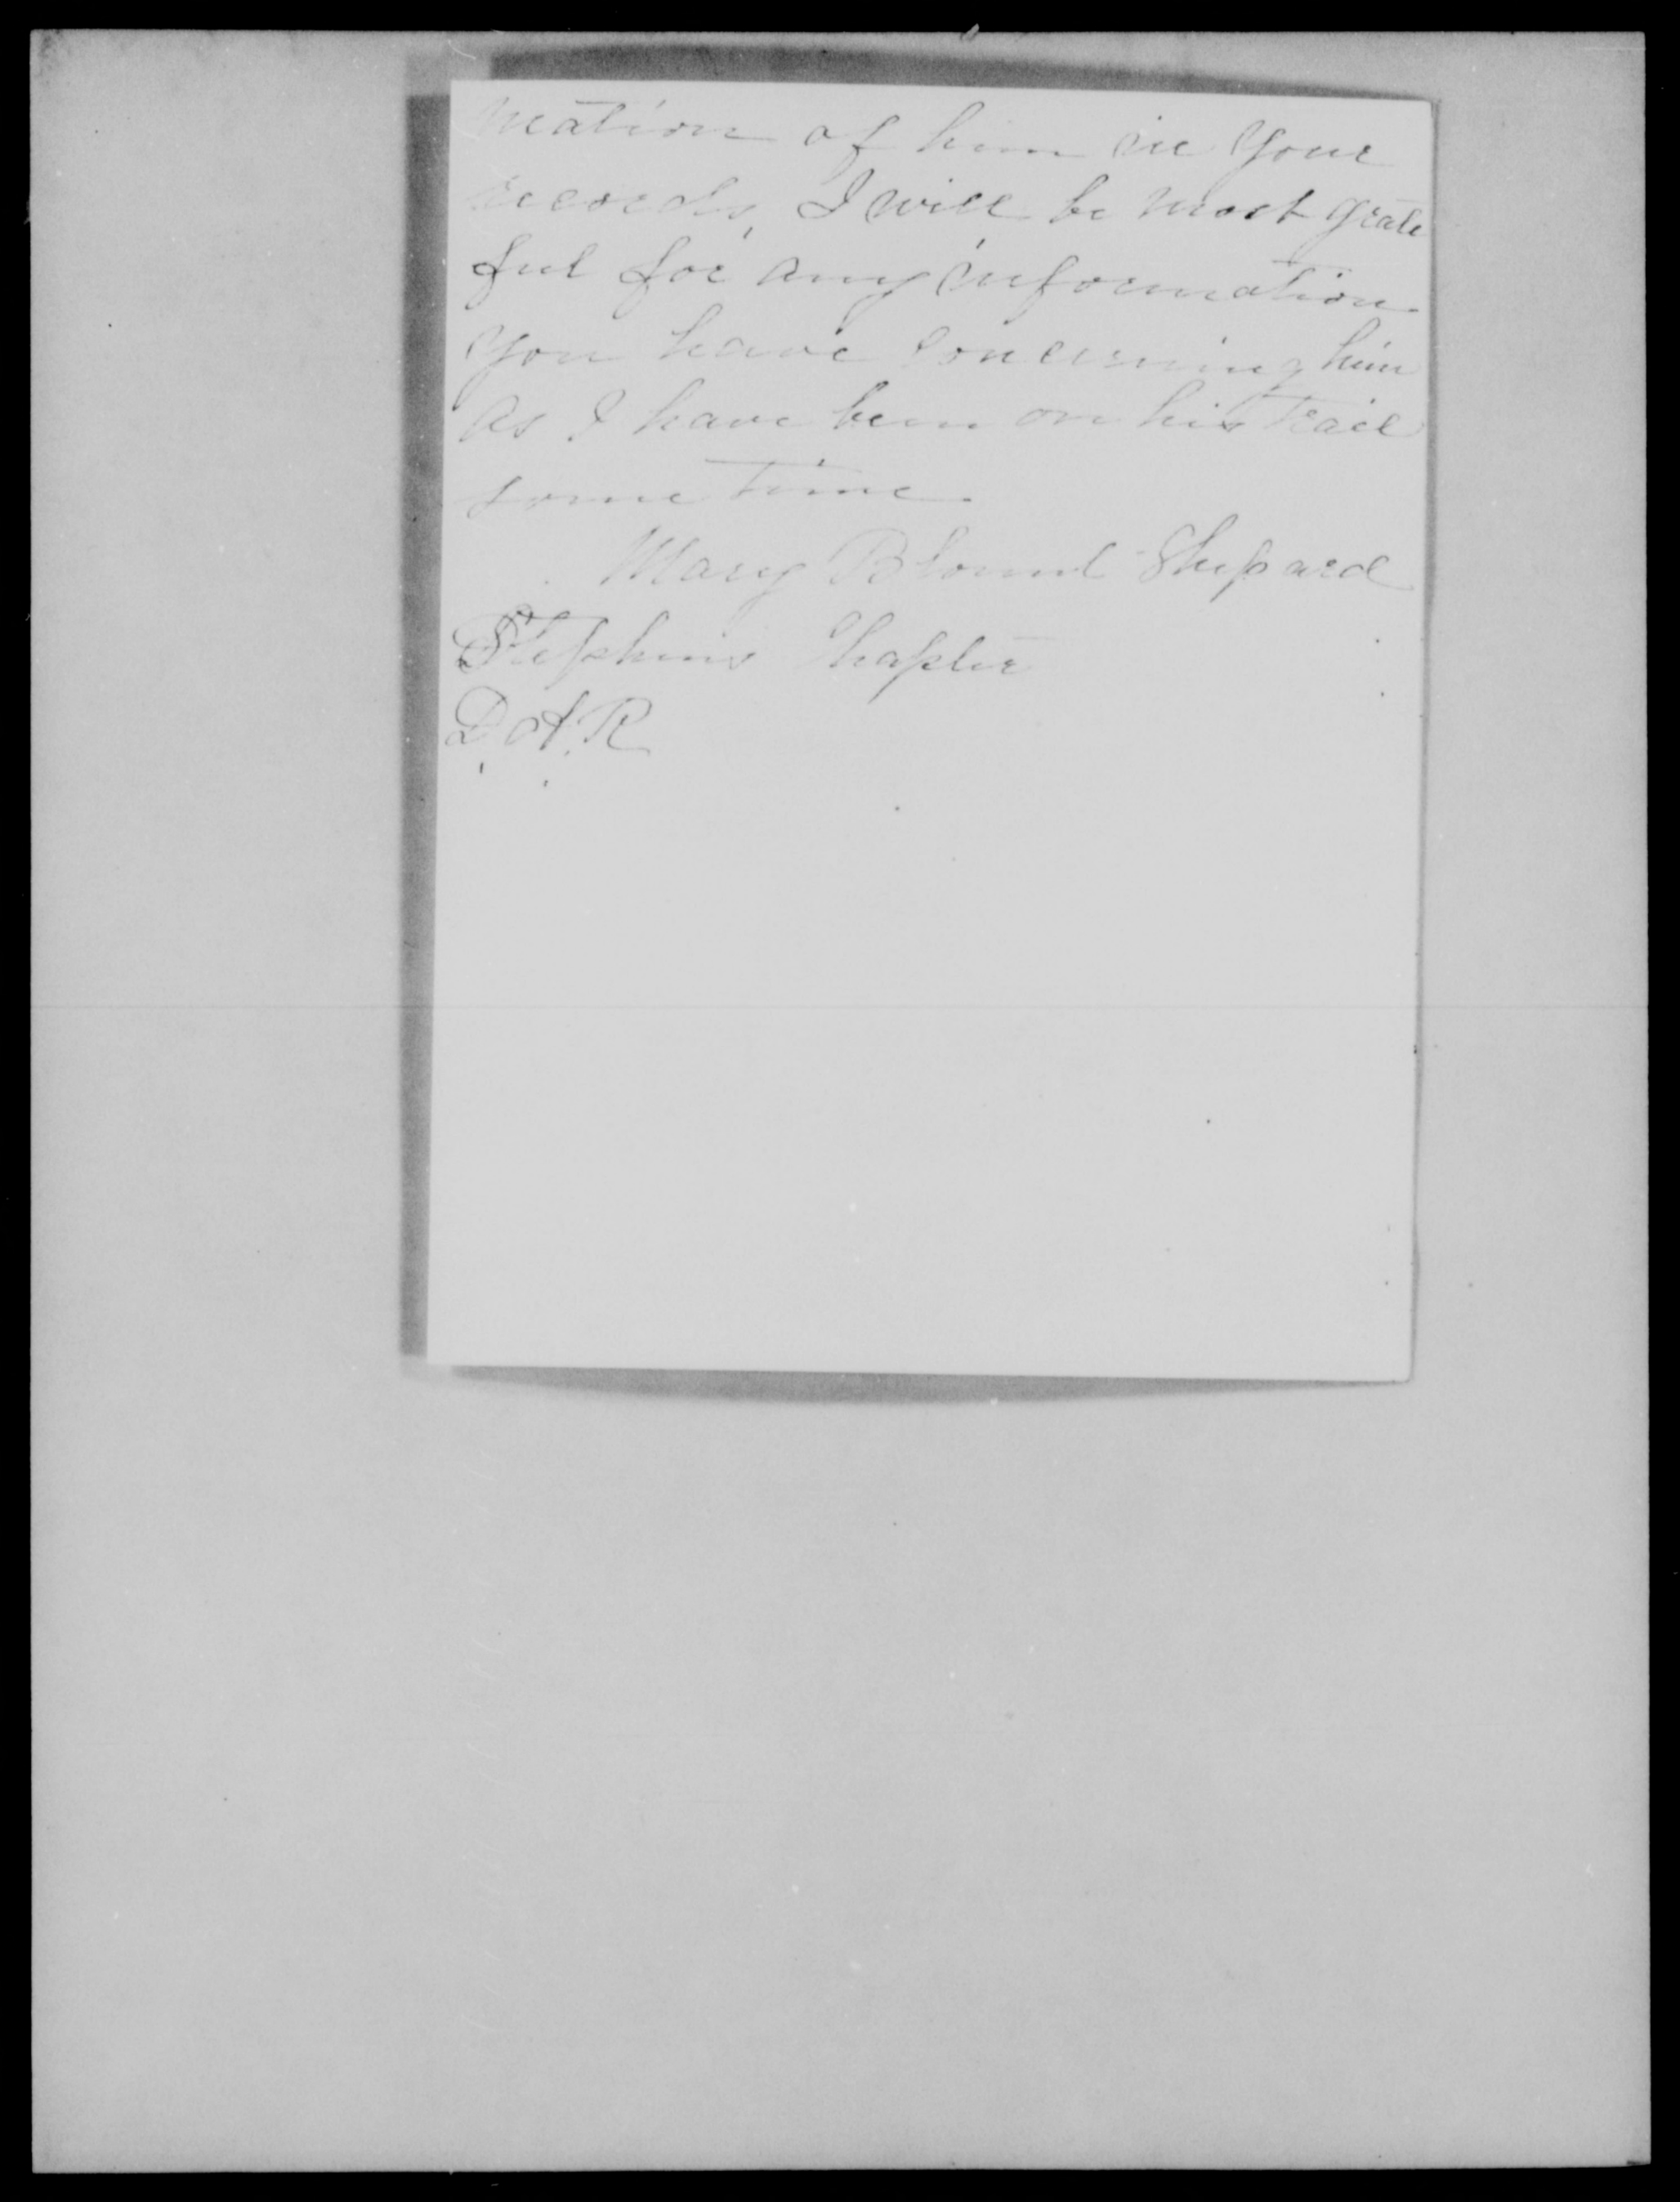mation of him in your records.  I will be most grateful for any information you have concerning him as I have been on his trail some time.

Mary Blount Shepard
Stephins [Stephens] Chapter
D.A.R.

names: Mary Blount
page: 23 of 29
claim: survivor's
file: S. 11415, for Aldert Smedes, New York